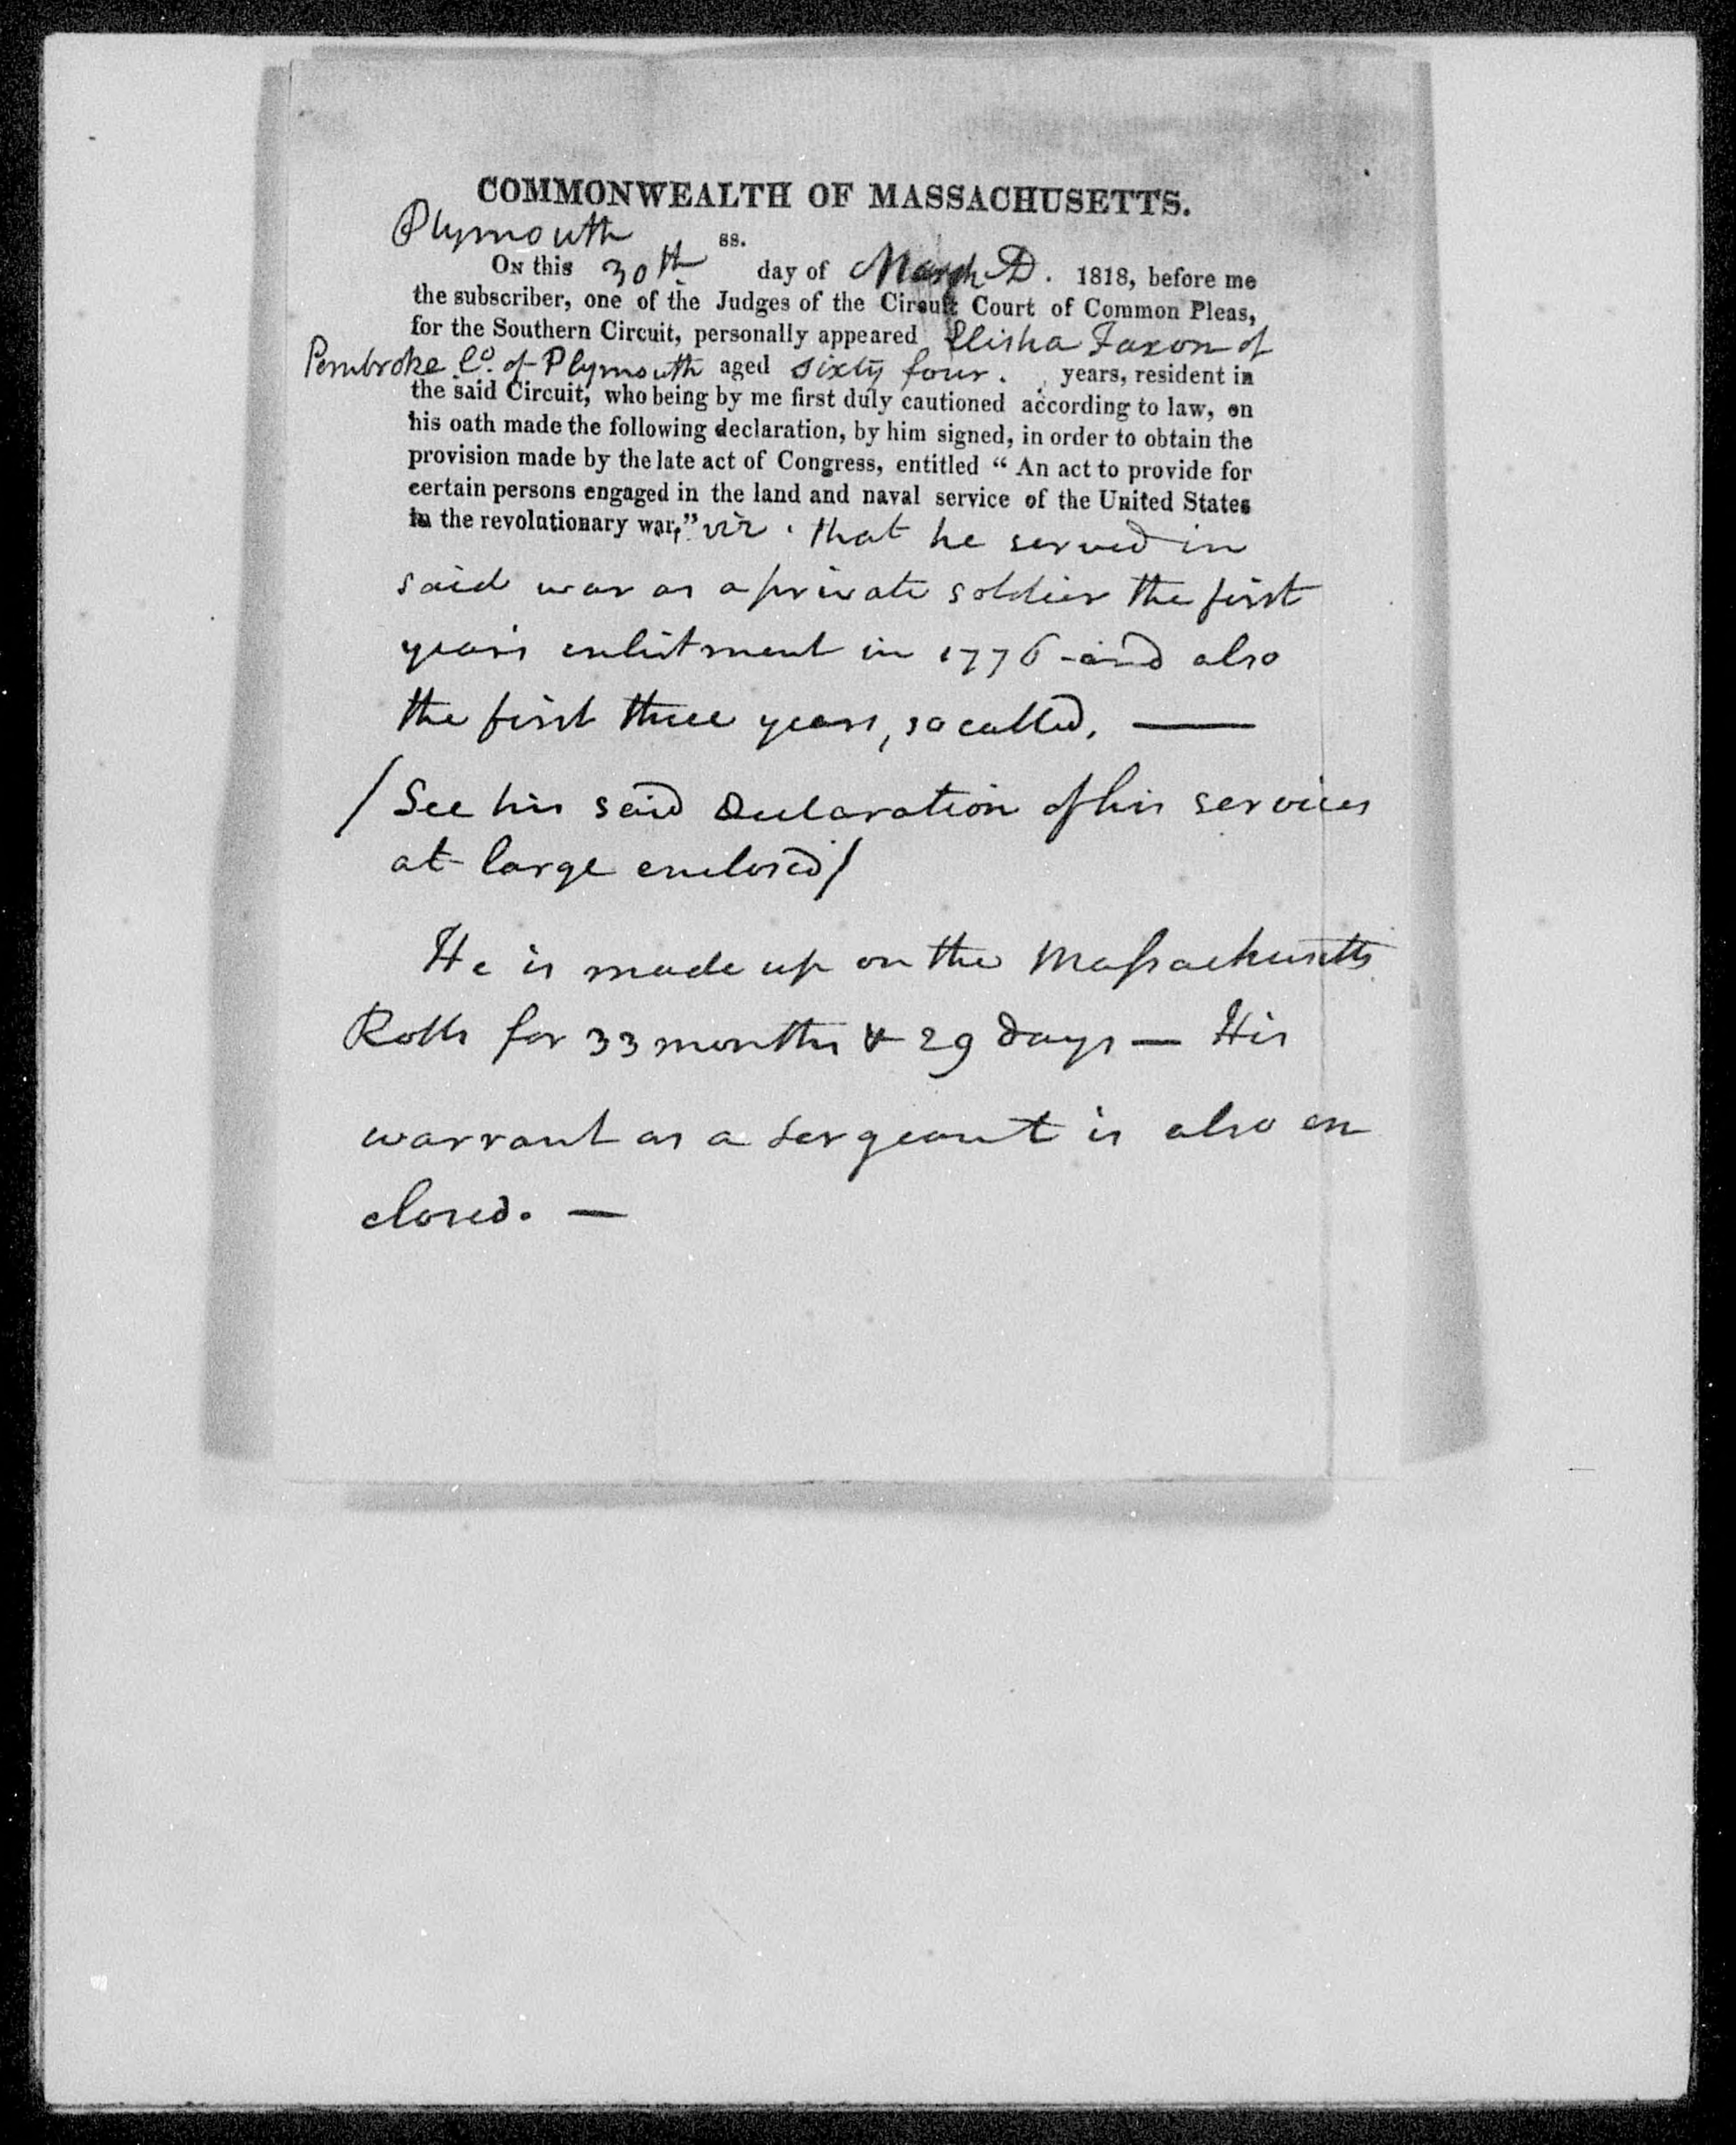Commonwealth of Massachusetts
Plymouth
On this 30th day of March AD 1818, before me the subscriber, one of the Judges of the Circuit Court of Common Pleas, for the Southern Circuit, personally appeared Elisha Faxon of Pembroke Co. of Plymouth aged sixty four years resident in the said Circuit, who being by me first duly cautioned according to law, on his oath made the following declaration, by him signed, in order to obtain the provision made by the late act of Congress, entitled "An act to provide for certain persons engaged in the land and naval service of the United States in the revolutionary war" that he served in said war as a private soldier the first year enlistment in 1776 and also the first three years, so called
/See his said declaration of his services at large endorsed/
He is made up on the Massachusetts Rolls for 33 months and 29 days -- his warrant as a sergeant is also endorsed.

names: Elisha Faxon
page: 14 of 47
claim: widow's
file: W. 14703, Elisha Faxon, Mass